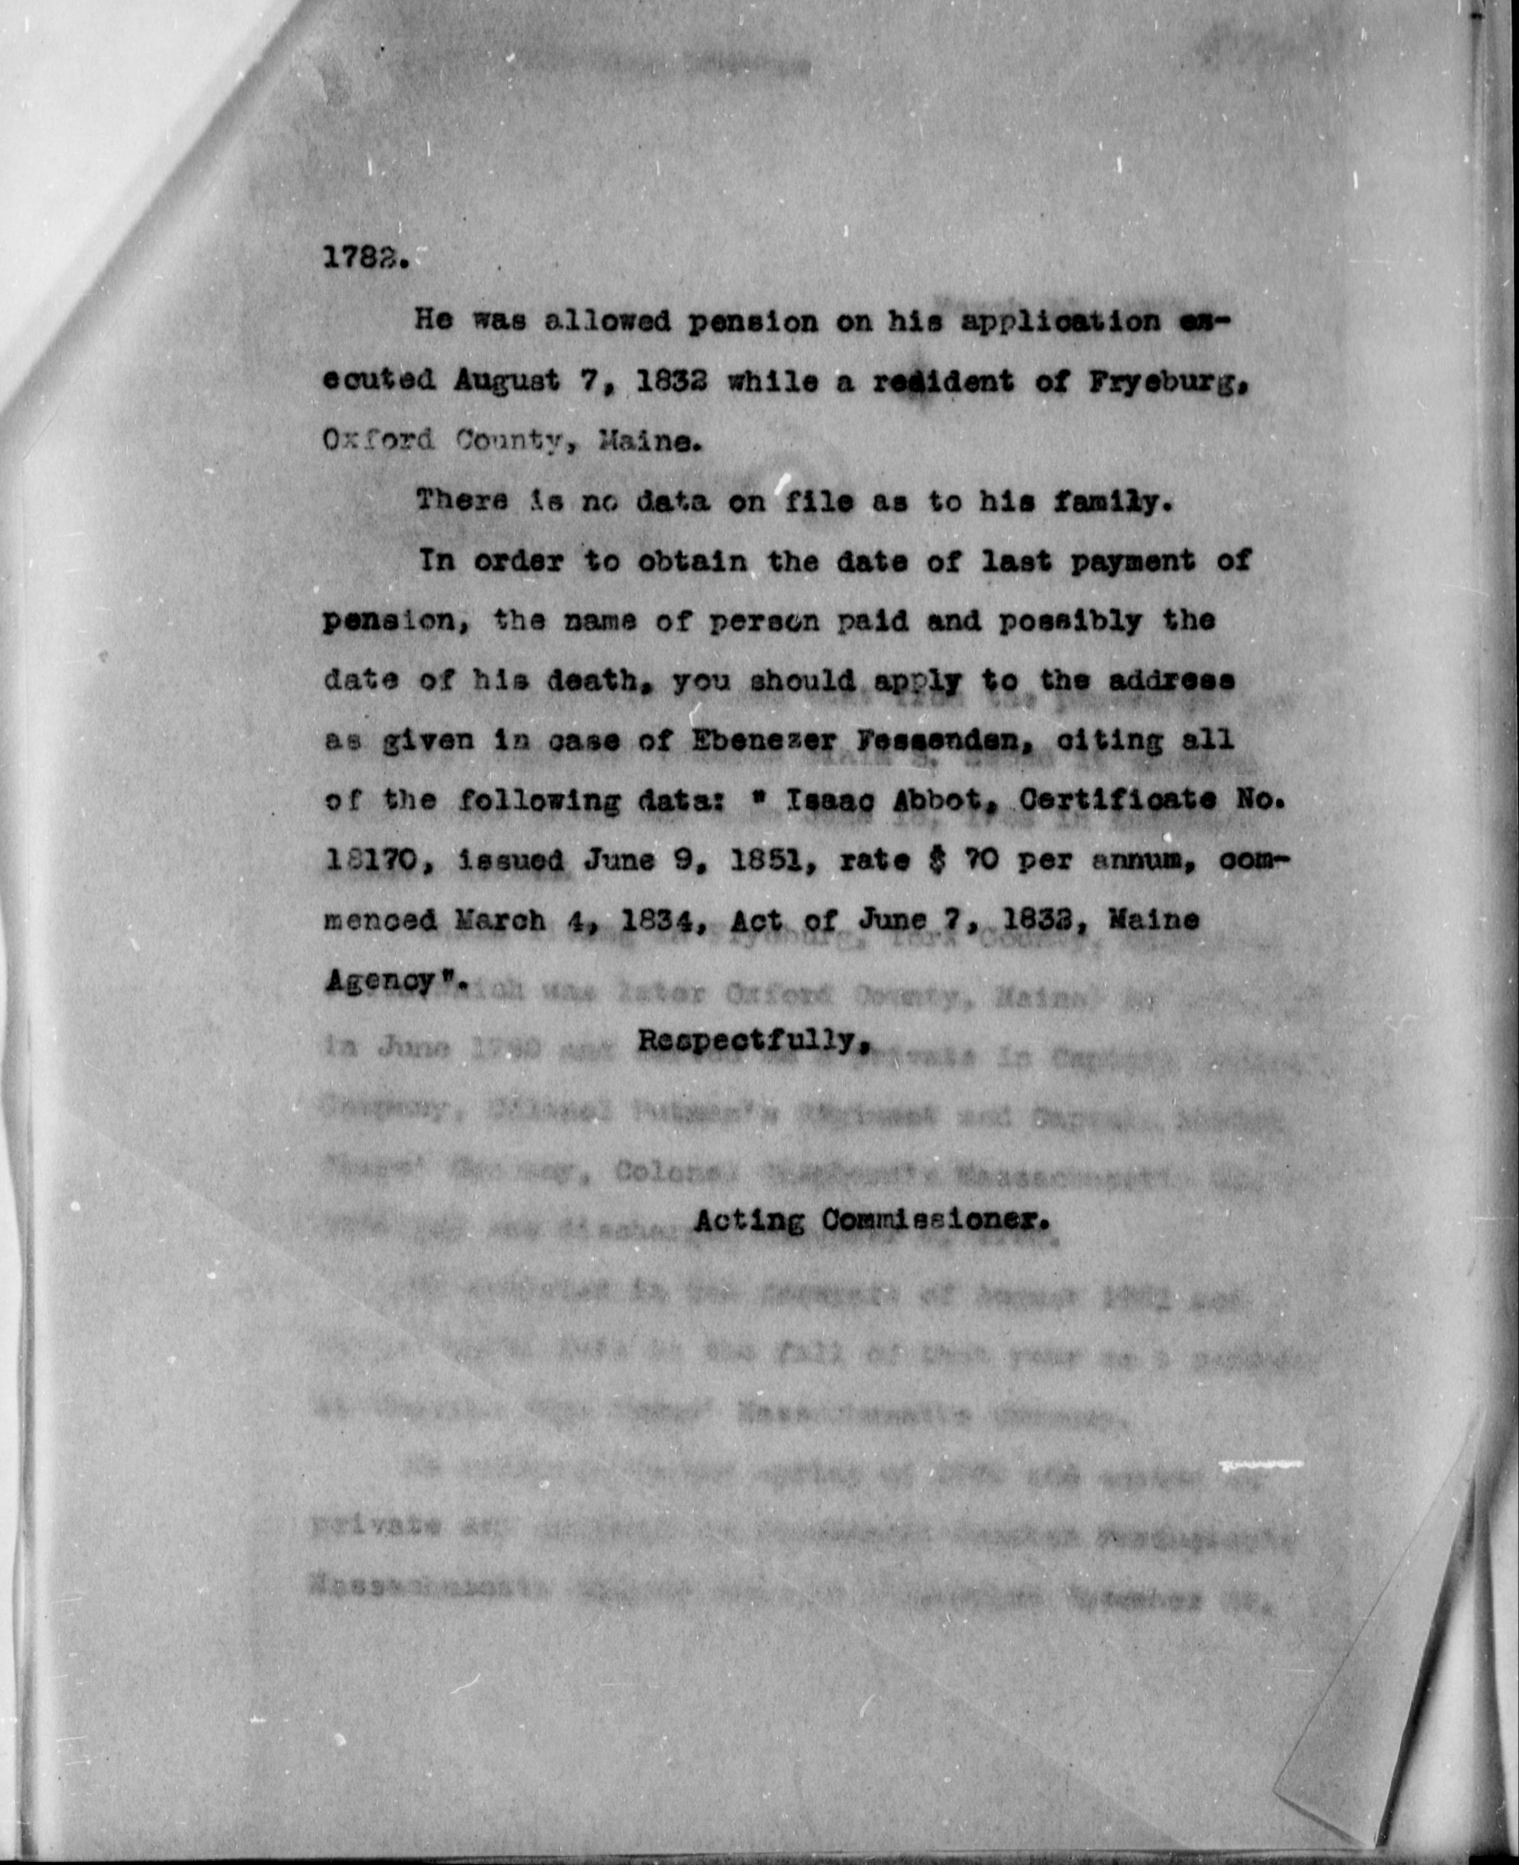1782.
He was allowed person on his application executed August 7, 1832, while a resident of Fryeburg, Oxford County, Maine.
There is no data on file as to his family.
In order to obtain the date of last payment of pension, the name of person paid and possibly the date of his death, you should apply to the address as given in case of Ebenezer Fessenden, citing all of the following data" "Isaac Abbot, Certificate No. 18170, issued June 9, 1851, rate $70 per annum, commenced March 4, 1834, Act of June 7, 1832, Maine Agency."

Respectfully,

[NO SIGNATURE]
Acting Commissioner.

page: 20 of 86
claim: survivor's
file: S 29,568, Isaac Abbot, Mass